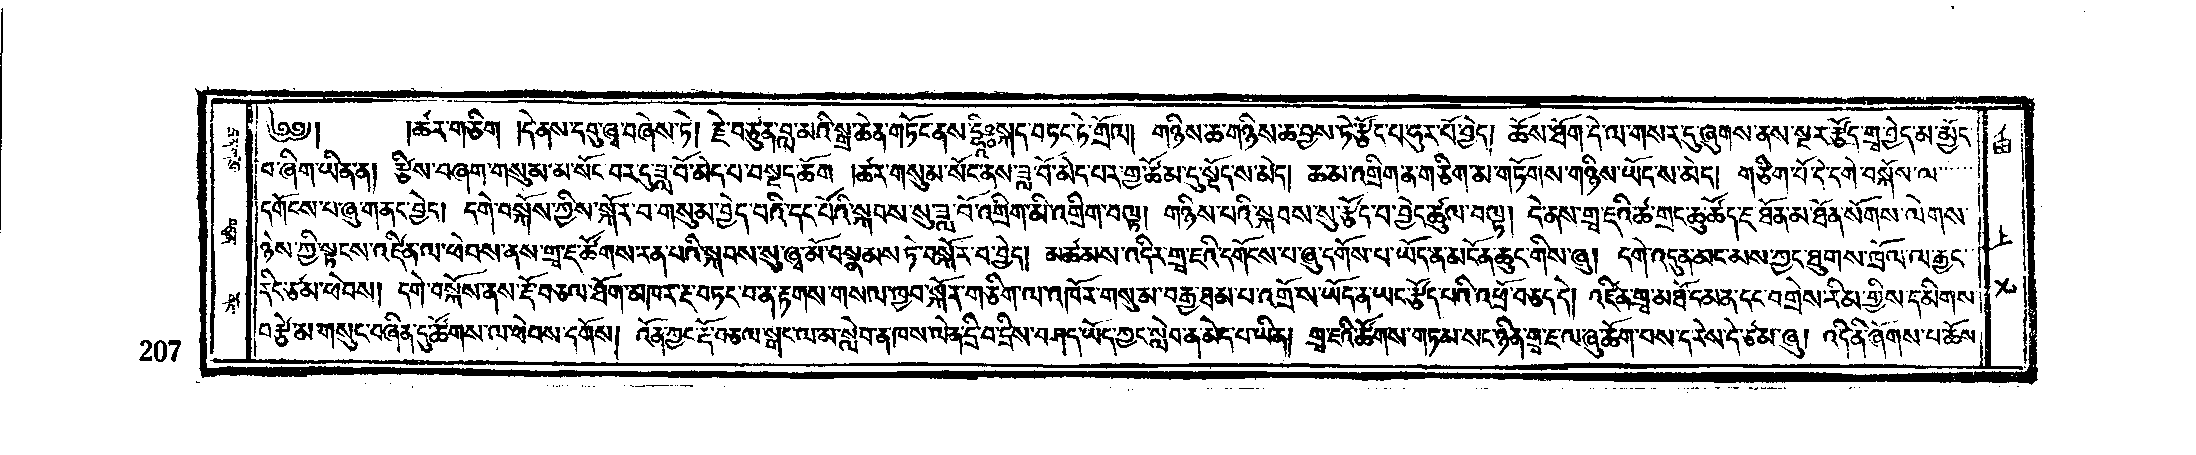༄༅། །ཚར་གཅིག །དེ་ནས་དབུ་ཞྭ་བཞེས་ཏེ། རྗེ་བཙུན་བླ་མའི་སྒྲ་ཆེན་གཏོང་ནས་དྷཱིཿསྐད་བཏང་ཏེ་གྲོལ། གཉིས་ཆ་གཉིས་ཆ་བྱས་ཏེ་རྩོང་པ་ཧུར་པོ་བྱེད། ཆོས་ཐོག་དེ་ལ་གསར་དུ་ཞུགས་ནས་སྔར་རྩོད་གྲྭ་བྱེད་མ་མྱོང་
བ་ཞིག་ཡིན་ན། རྩིས་བཞག་གསུམ་མ་སོང་བར་དུ་ཟླ་བོ་མེད་པ་བསྡད་ཆོག །ཚར་གསུམ་སོང་ནས་ཟླ་བོ་མེད་པར་གྱ་ཚོམ་དུ་སྡོད་ས་མེད། ཆ་མ་འགྲིག་ན་གཅིག་མ་གཏོགས་གཉིས་ཡོད་ས་མེད། གཅིག་པོ་དེ་དགེ་བསྐོས་ལ་
དགོངས་པ་ཞུ་གནང་བྱེད། དགེ་བསྐོས་ཀྱིས་སྐོར་བ་གསུམ་བྱེད་པའི་དང་པོའི་སྐབས་སུ་ཟླ་བོ་འགྲིག་མི་འགྲིག་བལྟ། གཉིས་པའི་སྐབས་སུ་རྩོད་པ་བྱེད་ཚུལ་བལྟ། དེ་ནས་གྲྭ་ཇའི་ཚ་གྲང་ཆུ་ཚོད་ཇ་ཐོན་མ་ཐོན་སོགས་ལེགས་
ཉེས་ཀྱི་སྟངས་འཛིན་ལ་ཕེབས་ནས་གྲྭ་ཇ་ཚོགས་རན་པའི་སྐབས་སུ་ཞྭ་མོ་བསྣམས་ཏེ་བསྐོར་བ་བྱེད། མཚམས་འདིར་གྲྭ་ཇའི་དགོངས་པ་ཞུ་དགོས་པ་ཡོད་ན་མངོན་ཆུང་གིས་ཞུ། དགེ་འདུན་མང་མས་ཀྱང་ཐུགས་ཁྲོལ་ལ་རྒྱང་
རིང་ཙམ་ཕེབས། དགེ་བསྐོས་ནས་རྡོ་བཅལ་ཐོག་མཁར་རྔ་བཏང་བ་ན་རྟགས་གསལ་ཁྱབ་སྐོར་གཅིག་ལ་འཁོར་གསུམ་བརྒྱ་ཐམ་པ་འགྲོ་ས་ཡོད་ན་ཡང་རྩོད་པའི་འཕྲོ་བཅད་དེ། འཛིན་གྲྭ་མཐོ་དམན་དང་བགྲེས་རིམ་གྱིས་དམིགས་
བརྩེ་མ་གསུང་བཞིན་དུ་ཚོགས་ལ་ཕེབས་དགོས། འོན་ཀྱང་རྡོ་བཅལ་སྒང་ལ་མ་སླེབ་ན་ཁས་ལེན་དྲི་བ་དྲིས་བཤད་ཡོད་ཀྱང་སླེབ་ན་མེད་པ་ཡིན། གྲྭ་ཇའི་ཚོགས་གཏམ་སང་ཉིན་གྲྭ་ཇ་ལ་ཞུ་ཆོག་པས་ད་རེས་དེ་ཙམ་ཞུ། འདི་ནི་ཞོགས་པ་ཆོས་